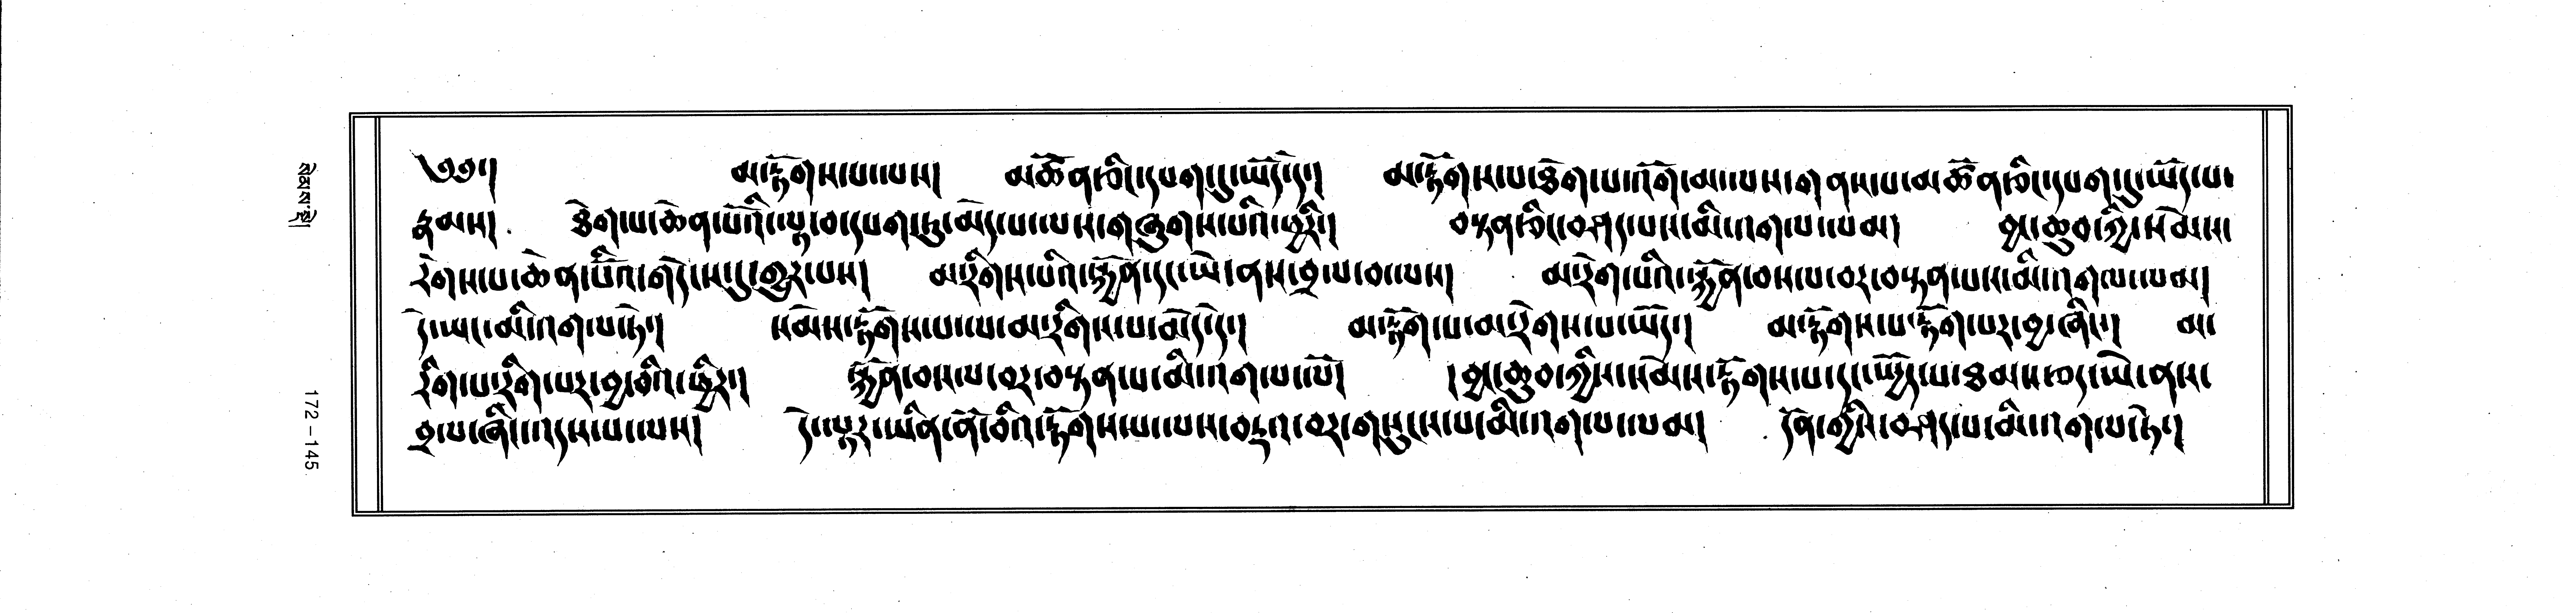མ་རྟོགས་པ་ལས། མཚོན་ཅིང་དཔག་དུ་ཡོད་དེ། མ་རྟོགས་པ་ཐེག་པ་འོག་མ་ལས་གནས་པ་མཚོན་ཅིང་དཔག་དུ་ཡོད་པ་
རྣམས། ཐེག་པ་ཆེན་པོའི་ལྟ་བ་དཔག་ཏུ་མེད་པ་ལས་གཞུགས་པའི་ཕྱིར། བརྟན་ཅིང་བཤད་པས་མི་འགལ་ལམ། བྱང་ཆུབ་ཀྱི་སེམས་
རིག་པ་ཆེན་པོའི་གདེངས་དུ་གྱུར་པས། མ་རིག་པའི་སྐྱོན་དང་ཡེ་ནས་བྲལ་བ་ལས། མ་རིག་པའི་སྐྱོན་བསལ་བར་བསྟན་པས་མི་འགལ་ལམ། 
དེ་ཡང་མི་འགལ་ཏེ། སེམས་རྟོགས་པ་ལ་མ་རིག་པ་མེད་དེ། མ་རྟོགས་པ་མ་རིག་པ་ཡོད། མ་རྟོགས་པ་རྟོགས་པར་བྱ་ཞིང་། མ་
རིག་པ་རིག་པར་བྱ་བའི་ཕྱིར། སྐྱོན་བསལ་བར་བསྟན་པ་མི་འགལ་ལོ། བྱང་ཆུབ་ཀྱིས་སེམས་རྟོགས་པ་དང་སྤྱོད་པ་ཐམས་ཅད་ཡེ་ནས་
བྲལ་ཞིང་འདས་པ་ལས། དེ་ལྟར་ཡིན་ནོ་བའི་རྟོགས་པ་ལས་བརྡའ་བར་གསུངས་པ་མི་འགལ་ལམ། དོན་གྱིས་བཤད་པ་མི་འགལ་ཏེ།